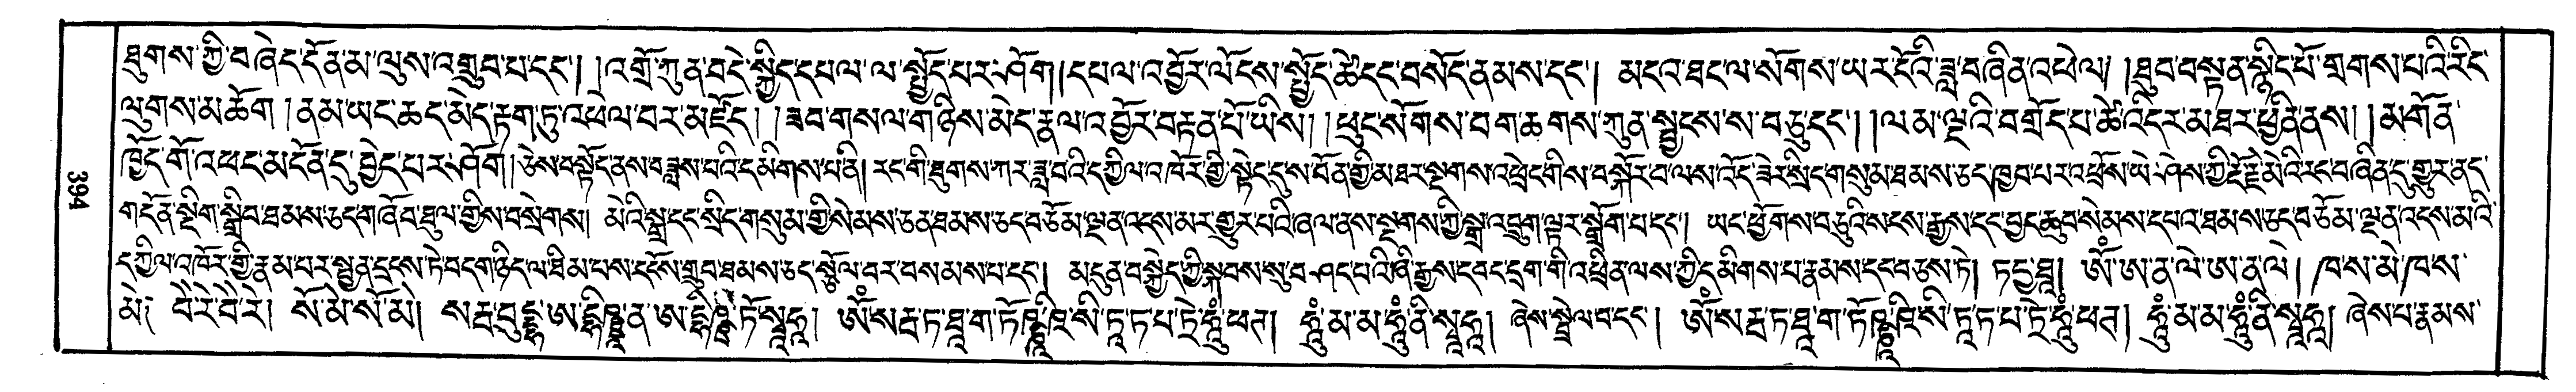ཐུགས་ཀྱི་བཞེད་དོན་མ་ལུས་འགྲུབ་པ་དང་། །འགྲོ་ཀུན་བདེ་སྐྱིད་དཔལ་ལ་སྤྱོད་པར་ཤོག །དཔལ་འབྱོར་ལོངས་སྤྱོད་ཚེ་དང་བསོད་ནམས་དང་། མངའ་ཐང་ལ་སོགས་ཡར་ངོའི་ཟླ་བཞིན་འཕེལ། །ཐུབ་བསྟན་སྙིང་པོ་གྲགས་པའི་རིང་
ལུགས་མཆོག །ནམ་ཡང་ཆད་མེད་རྟག་ཏུ་འཕེལ་བར་མཛོད། །ཟབ་གསལ་གཉིས་མེད་རྣལ་འབྱོར་བརྟན་པོ་ཡིས། །ཕུང་སོགས་བག་ཆགས་ཀུན་སྦྱངས་ས་བཅུ་དང་། །ལམ་ལྔའི་བགྲོད་པ་ཚེ་འདིར་མཐར་ཕྱིན་ནས། །མགོན་
ཁྱོད་གོ་འཕང་མངོན་དུ་བྱེད་པར་ཤོག། ཅེས་བསྟོད་ནས་བཟླས་པའི་དམིགས་པ་ནི། རང་གི་ཐུགས་ཀར་ཟླ་བའི་དཀྱིལ་འཁོར་གྱི་སྟེང་དུ་ས་བོན་གྱི་མཐར་སྔགས་འཕྲེང་གིས་བསྐོར་བ་ལས་འོད་ཟེར་སྲིང་གསུམ་ཐམས་ཅད་ཁྱབ་པར་འཕྲོས་ཡེ་ཤེས་ཀྱི་རྡོ་རྗེ་མེའི་རང་བཞིན་དུ་གྱུར་ནང་
གདོན་སྡིག་སྒྲིབ་ཐམས་ཅད་གཞོབ་ཐུལ་གྱིས་བསྲེགས། མེའི་སྒྲ་དང་སྲིད་གསུམ་གྱི་སེམས་ཅན་ཐམས་ཅད་བཅོམ་ལྡན་འདས་མར་གྱུར་པའི་ཞལ་ནས་སྔགས་ཀྱི་སྒྲ་འབྲུག་ལྟར་སྒྲོགས་པ་དང་། ཡང་ཕྱོགས་བཅུའི་སངས་རྒྱས་དང་བྱང་ཆུབ་སེམས་དཔའ་ཐམས་ཅད་བཅོམ་ལྡན་འདས་ཀྱིས་
དཀྱིལ་འཁོར་གྱི་རྣམ་པར་སྤྱན་དྲངས་ཏེ་བདག་ཉིད་ལ་ཐིམ་པས་དངོས་གྲུབ་ཐམས་ཅད་སྩོལ་བར་བསམ་པ་དང་། མདུན་བསྐྱེད་ཀྱི་སྐབས་སུ་བཤད་པའི་ཞི་རྒྱས་དབང་དྲག་གི་འཕྲིན་ལས་ཀྱི་དམིགས་པ་རྣམས་དང་བཅས་ཏེ། ཏདྱ་ཐཱ། ཨོཾ་ཨ་ན་ལེ་ཨ་ན་ལེ། ཁ་ས་མེ་ཁ་ས་
མེ༑ བཻ་རེ་བཻ་རེ། སོ་མེ་སོ་མེ། སརྦ་བུདྡྷ་ཨ་དྷིཥྵཱ་ན་ཨ་དྷི་ཥཊཿཨི་ཏེ་སྭཱཧཱ། ཨོཾ་སརྦ་ཏ་ཐཱ་ག་ཏོཥྞཱི་ཥ་སི་ཏཱ་ཏ་པ་ཏྲེ་དཱུའི་ཕཊ། ཧཱུཾ་མ་མ་ཧཱུཾ་ནི་སྭཱཧཱ། ཞེས་སྦྲེལ་བ་དང་། ཨོཾ་སརྦ་ཏ་ཐཱ་ག་ཏོ་ཥྞཱ་ཥི་སི་ཏཱ་ཏ་པ་ཏྲེ་ཧཱུཾ་ཕཊ། ཧཱུཾ་མ་མ་ཧཱུཾ་ནི་སྭཱ་ཧཱ། ཞེས་པ་རྣམས་